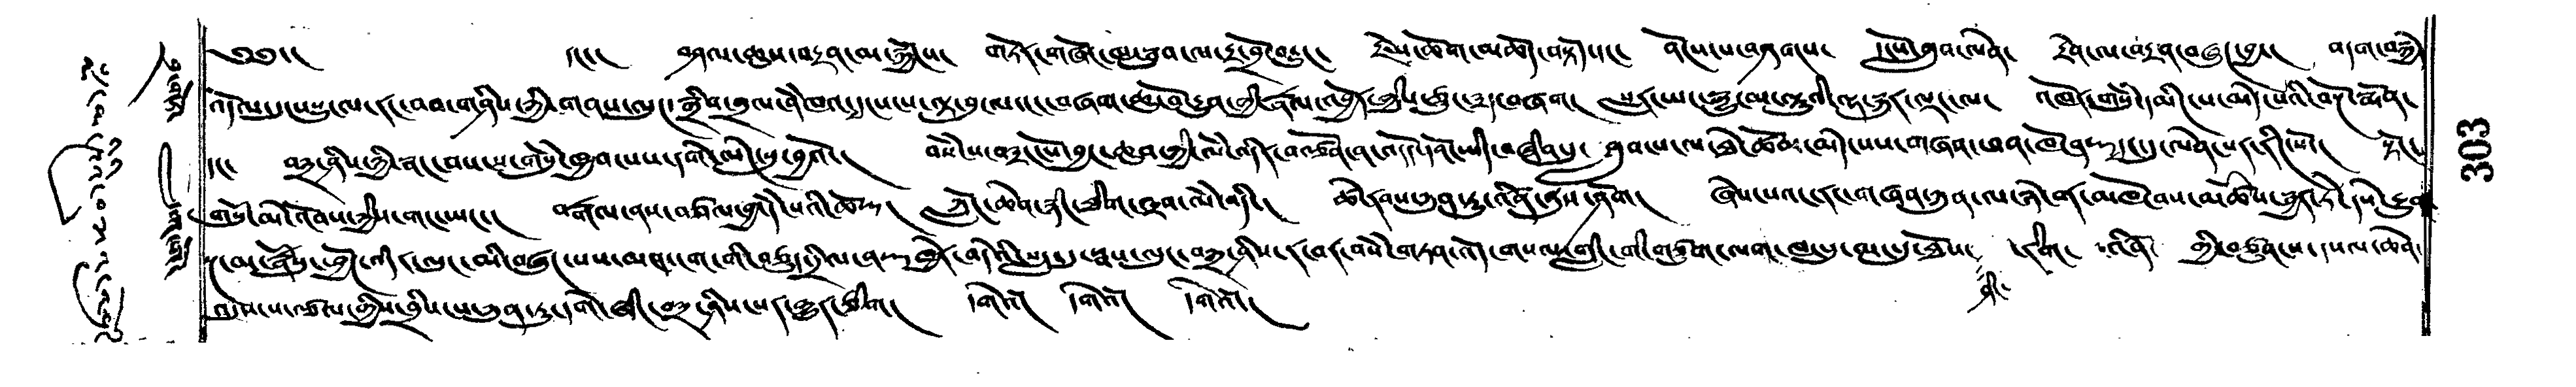དང་། བཤལ་ཆུས་བརྟན་མ་སྐྱོང་། གཏོར་གཞོང་ཁ་སྦུབས་ལ་རྟ་བྲོ་བརྡུང་། རྗེས་ཆོག་མཆོད་བསྟོད་དང་། ནོངས་པ་བཤག དངོས་གྲུབ་ལེན། རྟེན་ལ་བརྟན་བཞུགས་བྱ། བདག་བསྐྱེད་
འོད་གསལ་དུ་བསྡུས་ལ་རང་བབས་གཤིས་ཀྱི་གནས་ལུགས་སྒྲིབ་བྲལ་ནམ་མཁའ་དྭངས་པ་ལྟ་བུ་ལ་ངང་བཞག་ཆུ་བོ་རྒྱུན་གྱི་རྣལ་འབྱོར་གྱིས་ཅུང་ཟད་གཞགསླར་ཡང་སྒྱུ་མ་ལྟ་བུའི་ལྷ་སྐུར་ལྡང་ལ། འཁོར་གསུམ་དམིགས་པ་མེད་པའི་བསྔོ་སྨོན་
དང་། བཀྲ་ཤིས་ཀྱི་སྣང་བས་ས་གསུམ་ཁྱབ་པས་དགེ་ལེགས་སུ་བྱའོ། བསམ་པ་བཟང་པོ་བྱང་ཆུབ་ཀྱི་ལམ་འདིར་བརྩོན་ན་འདོད་དོན་ཡིད་བཞིན་དུ་གྲུབ་པ་ལ་ཐེ་ཚོམ་མེད་པས་གཞན་ཕན་ཁོ་ན་དང་དུ་ལེན་པར་རིགས་སོ། སྟོང་
གསུམ་མེ་འོབས་ཀྱིས་གང་ཡང་། །བརྒལ་ནས་བཙལ་བྱ་དམ་པའི་ཆོས། །ཀློང་ཆེན་སྙིང་ཐིག་ཟབ་ལམ་འདི། །ཚེ་རབས་ཀུན་ཏུ་འཛིན་ནུས་ཤོག ཅེས་པའང་རང་གཞན་ཀུན་ལ་ཉེ་བར་མཁོ་བས་མཚམས་སྦྱར་ཏེ་དཔེ་རྒྱུན་
སྔ་མ་རྣམས་སུ་ཕྱོགས་འདིར་ལུང་མི་བཞུགས་པས་མན་ངག་གི་བཅུད་དྲིལ་ནས་ཁྱེར་བདེའི་སླད་དུ་སྦས་ལུང་བཀྲ་ཤིས་ར་བར་བསམ་གཏན་འོད་གསལ་གླིང་གི་གཙུག་ལག་ཁང་དུ་མང་དུ་ཐོས་ཤིང་། རིག་འཛིན་གྱི་བཙུན་པ་དཔལ་ཆེན་
འདུས་པ་རྩལ་གྱིས་བྲིས་པ་ཀུན་ཏུ་དགེ་ཞིང་བཀྲ་ཤིས་པར་གྱུར་ཅིག དགེའོ།།